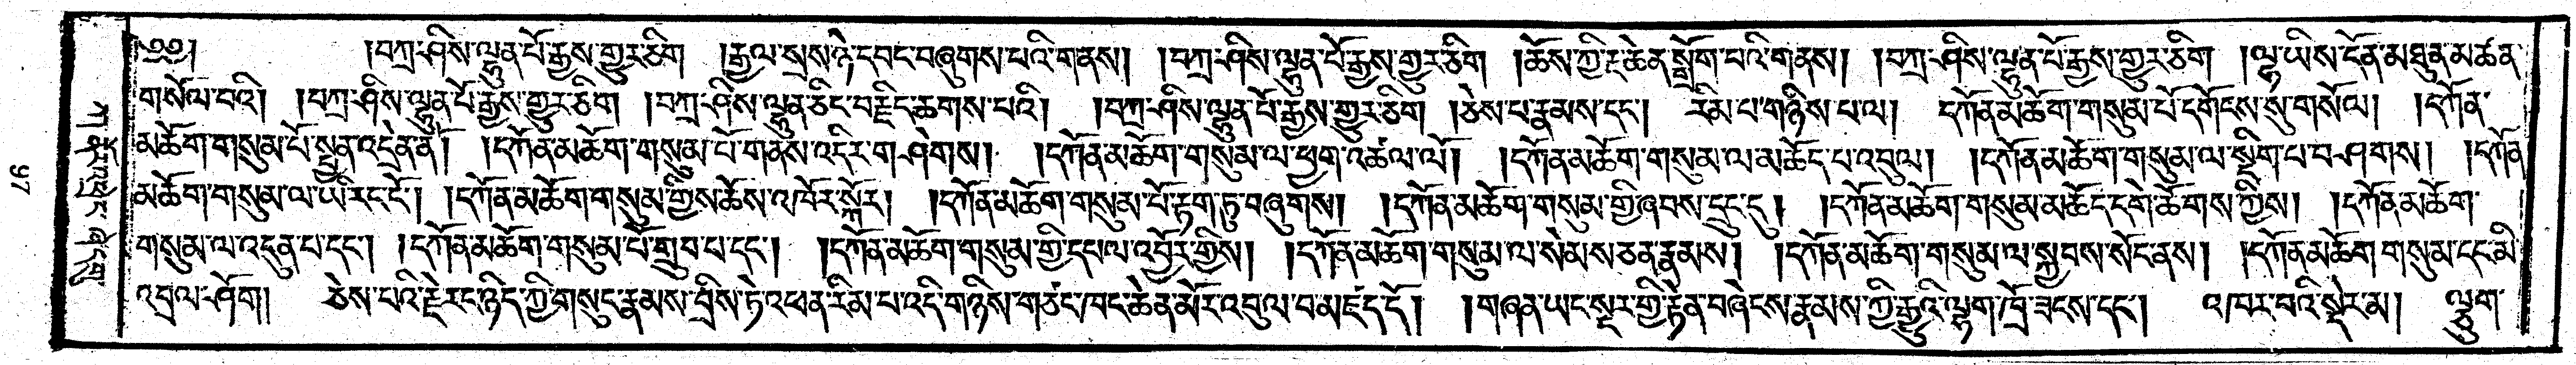༄༅། །བཀྲ་ཤིས་ལྷུན་པོ་རྒྱས་གྱུར་ཅིག །རྒྱལ་སྲས་ཉེ་དབང་བཞུགས་པའི་གནས། །བཀྲ་ཤིས་ལྷུན་པོ་རྒྱས་གྱུར་ཅིག །ཆོས་ཀྱི་རྔ་ཆེན་སྒྲོག་པའི་གནས། །བཀྲ་ཤིས་ལྷུན་པོ་རྒྱས་གྱུར་ཅིག །ལྷ་ཡིས་དོན་མཐུན་མཚན་
གསོལ་བའི། །བཀྲ་ཤིས་ལྷུན་པོ་རྒྱས་གྱུར་ཅིག །བཀྲ་ཤིས་ལྷུན་ཅིང་བརྗིད་ཆགས་པའི། །བཀྲ་ཤིས་ལྷུན་པོ་རྒྱས་གྱུར་ཅིག །ཅེས་པ་རྣམས་དང་། རིམ་པ་གཉིས་པ་ལ། དཀོན་མཆོག་གསུམ་པོ་དགོངས་སུ་གསོལ། །དཀོན་
མཆོག་གསུམ་པོ་སྤྱན་འདྲེན་ནོ། །དཀོན་མཆོག་གསུམ་པོ་གནས་འདིར་གཤེགས། །དཀོན་མཆོག་གསུམ་ལ་ཕྱག་འཚལ་ལོ། །དཀོན་མཆོག་གསུམ་ལ་མཆོད་པ་འབུལ། །དཀོན་མཆོག་གསུམ་ལ་སྡིག་པ་བཤགས། །དཀོན་
མཆོག་གསུམ་ལ་ཡི་རང་ངོ། །དཀོན་མཆོག་གསུམ་གྱིས་ཆོས་འཁོར་སྐོར། །དཀོན་མཆོག་གསུམ་པོ་རྟག་ཏུ་བཞུགས། །དཀོན་མཆོག་གསུམ་གྱི་ཞབས་དྲུང་དུ། །དཀོན་མཆོག་གསུམ་མཆོད་དགེ་ཚོགས་ཀྱིས། །དཀོན་མཆོག་
གསུམ་ལ་འདུན་པ་དང་། །དཀོན་མཆོག་གསུམ་པོ་གྲུབ་པ་དང་། །དཀོན་མཆོག་གསུམ་གྱི་དཔལ་འབྱོར་གྱིས། །དཀོན་མཆོག་གསུམ་ལ་སེམས་ཅན་རྣམས། །དཀོན་མཆོག་གསུམ་ལ་སྐྱབས་སོང་ནས། །དཀོན་མཆོག་གསུམ་དང་མི་
འབྲལ་ཤོག། ཅེས་པའི་རྗེ་རང་ཉིད་ཀྱི་གསུང་རྣམས་བྲིས་ཏེ་འཕན་རིམ་པ་འདི་གཉིས་གཙང་ཁང་ཆེན་མོར་འབུལ་བ་མཛད་དོ། །གཞན་ཡང་སྔར་གྱི་རྟེན་བཞེངས་རྣམས་ཀྱི་རྒྱུའི་ལྷག་ཁྲོ་ཟངས་དང་། འཁར་བའི་སྡེར་མ། ལྕུག་